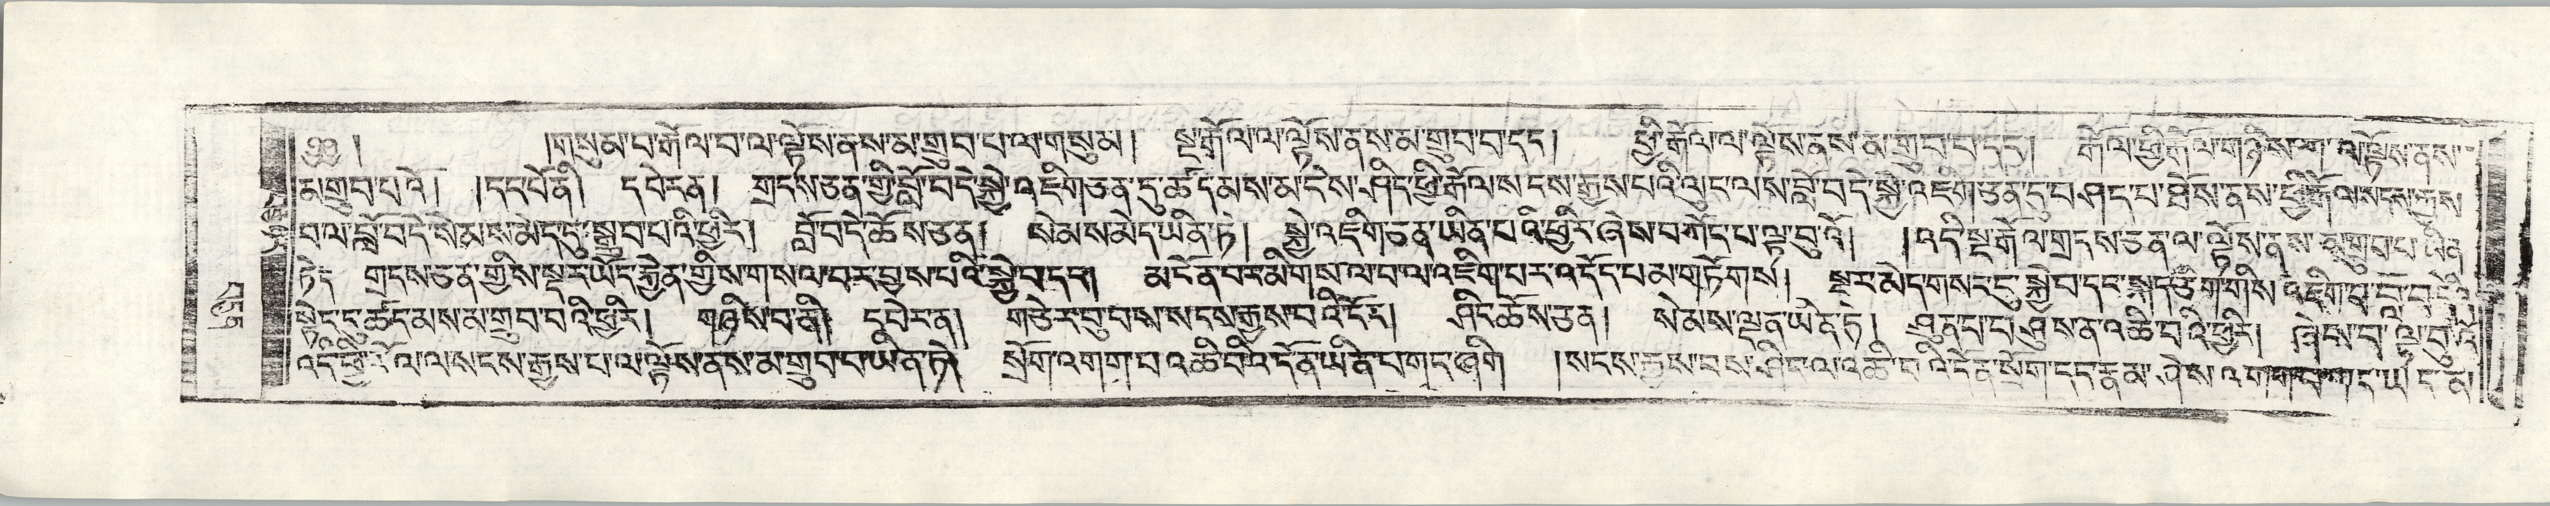།གསུམ་པ་རྒོལ་བ་ལ་ལྟོས་ནས་མ་གྲུབ་པ་ལ་གསུམ། སྔ་རྒོལ་ལ་ལྟོས་ནས་མ་གྲུབ་པ་དང་། ཕྱི་རྒོལ་ལ་ལྟོས་ནས་མ་གྲུབ་པ་དང་། རྒོལ་ཕྱི་རྒོལ་གཉིས་ཀ་ལ་ལྟོས་ནས་མ་གྲུབ་པའོ། །དང་པོ་ནི། དཔེར་ན། གྲངས་ཅན་གྱི་བློ་བདེ་སྐྱེ་འཇིག་ཅན་
དུ་ཚད་མས་མ་ངེས་ཤིང་ཕྱི་རྒོལ་སངས་རྒྱས་པའི་ལུང་ལས་བློ་བདེ་སྐྱེ་འཇིག་ཅན་དུ་བཤད་པ་ཐོས་ནས་ཕྱི་རྒོལ་སངས་རྒྱས་པ་ལ་བློ་བདེ་སེམས་མེད་དུ་སྒྲུབ་པའི་ཕྱིར། བློ་བདེ་ཆོས་ཅན། སེམས་མེད་ཡིན་ཏེ། སྐྱེ་འཇིག་ཅན་ཡིན་པའི་ཕྱིར་ཞེས་བཀོད་པ་ལྟ་བུའོ། །འདི་སྔ་རྒོལ་གྲངས་ཅན་ལ་ལྟོས་ནས་མ་གྲུབ་པ་ཡིན་ཏེ། གྲངས་ཅན་གྱིས་སྔར་ཡོད་རྐྱེན་གྱིས་གསལ་བར་བྱས་པའི་སྐྱེ་བ་དང་། མངོན་པར་མི་གསལ་བ་ལ་འཇིག་པར་འདོད་པ་མ་གཏོགས། སྔར་མེད་གསར་དུ་སྐྱེ་བ་དང་སྐད་ཅིག་གིས་འཇིག་
པ་བློ་བདེའི་སྟེང་དུ་ཚད་མས་མ་གྲུབ་པའི་ཕྱིར། གཉིས་པ་ནི། དཔེར་ན། གཅེར་བུ་བས་སངས་རྒྱས་པའི་ངོར། ཤིང་ཆོས་ཅན། སེམས་ལྡན་ཡིན་ཏེ། ཤུན་པ་བཤུས་ན་འཆི་བའི་ཕྱིར། ཞེས་པ་ལྟ་བུའོ། འདི་ཕྱི་རྒོལ་ལ་སངས་རྒྱས་པ་ལ་ལྟོས་
ནས་མ་གྲུབ་པ་ཡིན་ཏེ། སྲོག་འགག་པ་འཆི་བའི་དོན་ཡིན་པ་གང་ཞིག །སངས་རྒྱས་པས་ཤིང་ལ་འཆི་བའི་དོན་སྲོག་དང་རྣམ་ཤེས་འགག་པ་གང་ཡང་མ་